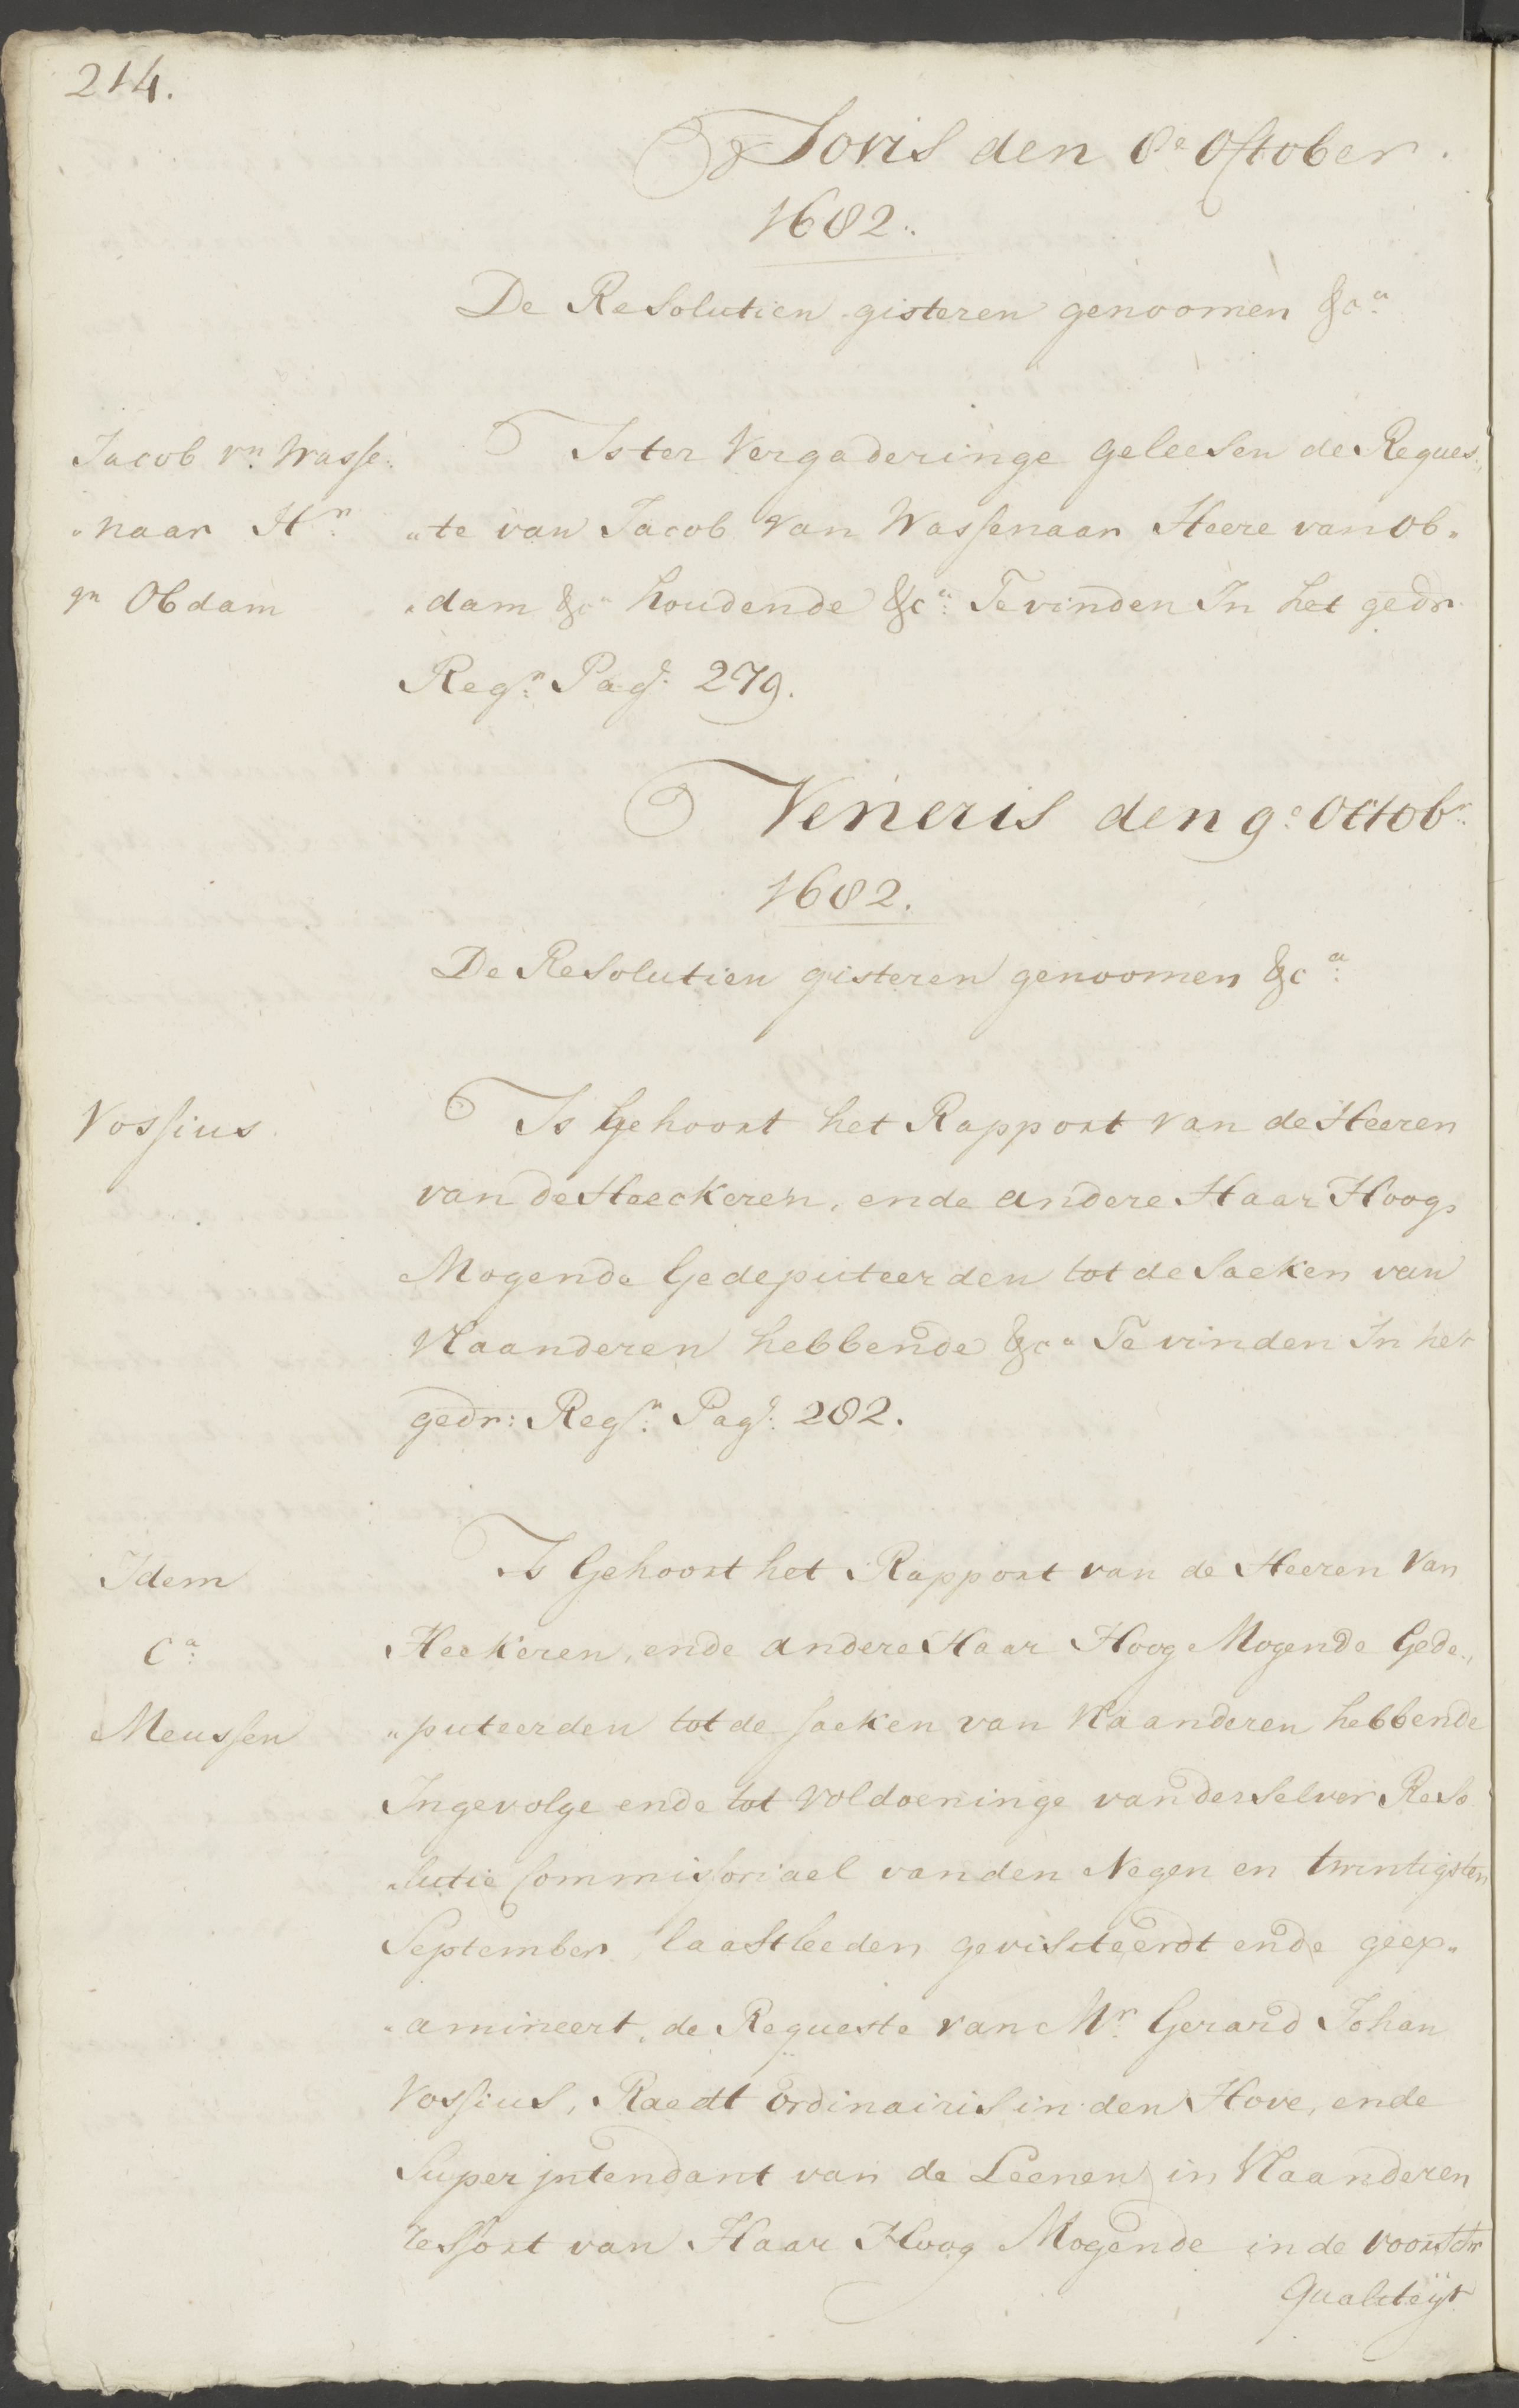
214.
Jovis den 8e October .
1682.
Jacob vn. Wasse„
„naar Hr:
in Obdam
De Resolutien gisteren genoomen &ca.
Is ter Vergaderinge geleesen de Reques„
„te van Jacob van Wassenaer Heere van Ob„
„dam &ca. houdende &ca. Te vinden In het gedr.
Regr: Pag. 279.
Veneris den 9e. Octobr:
1682.
De Resolutien gisteren genoomen &ca.
Vossius
Is hgehoort het Rapport van de Heeren
van de Heeckeren, ende andere Haar Hoog
Mogende Gedeputeerden tot de saeken van
Vlaanderen hebbende &ca. Te vinden In het
gedr: Regr: Pag: 282.
Idem
Ca:
Meussen
Is gehoort het Rapport van de Heeren van
Heekeren, ende andere Haar Hooge Mogende Gede„
„puteerden tot de caeken van vlaanderen hebbende
Ingevolge ende tot voldoeninge van derselver Reso
lutie Commisoriael vanden Negen en twintigsten
September, laastleeden gevisiteerdt ende geex„
„amineert, de Requeste van Mr. Gerard Johan
Vossius, Raedt ordinairis in den Hove, ende
super intendant van de Leenen in Vlaanderen
ressort van Haar Hoog Mogende ende voorschr
qualiteyt
